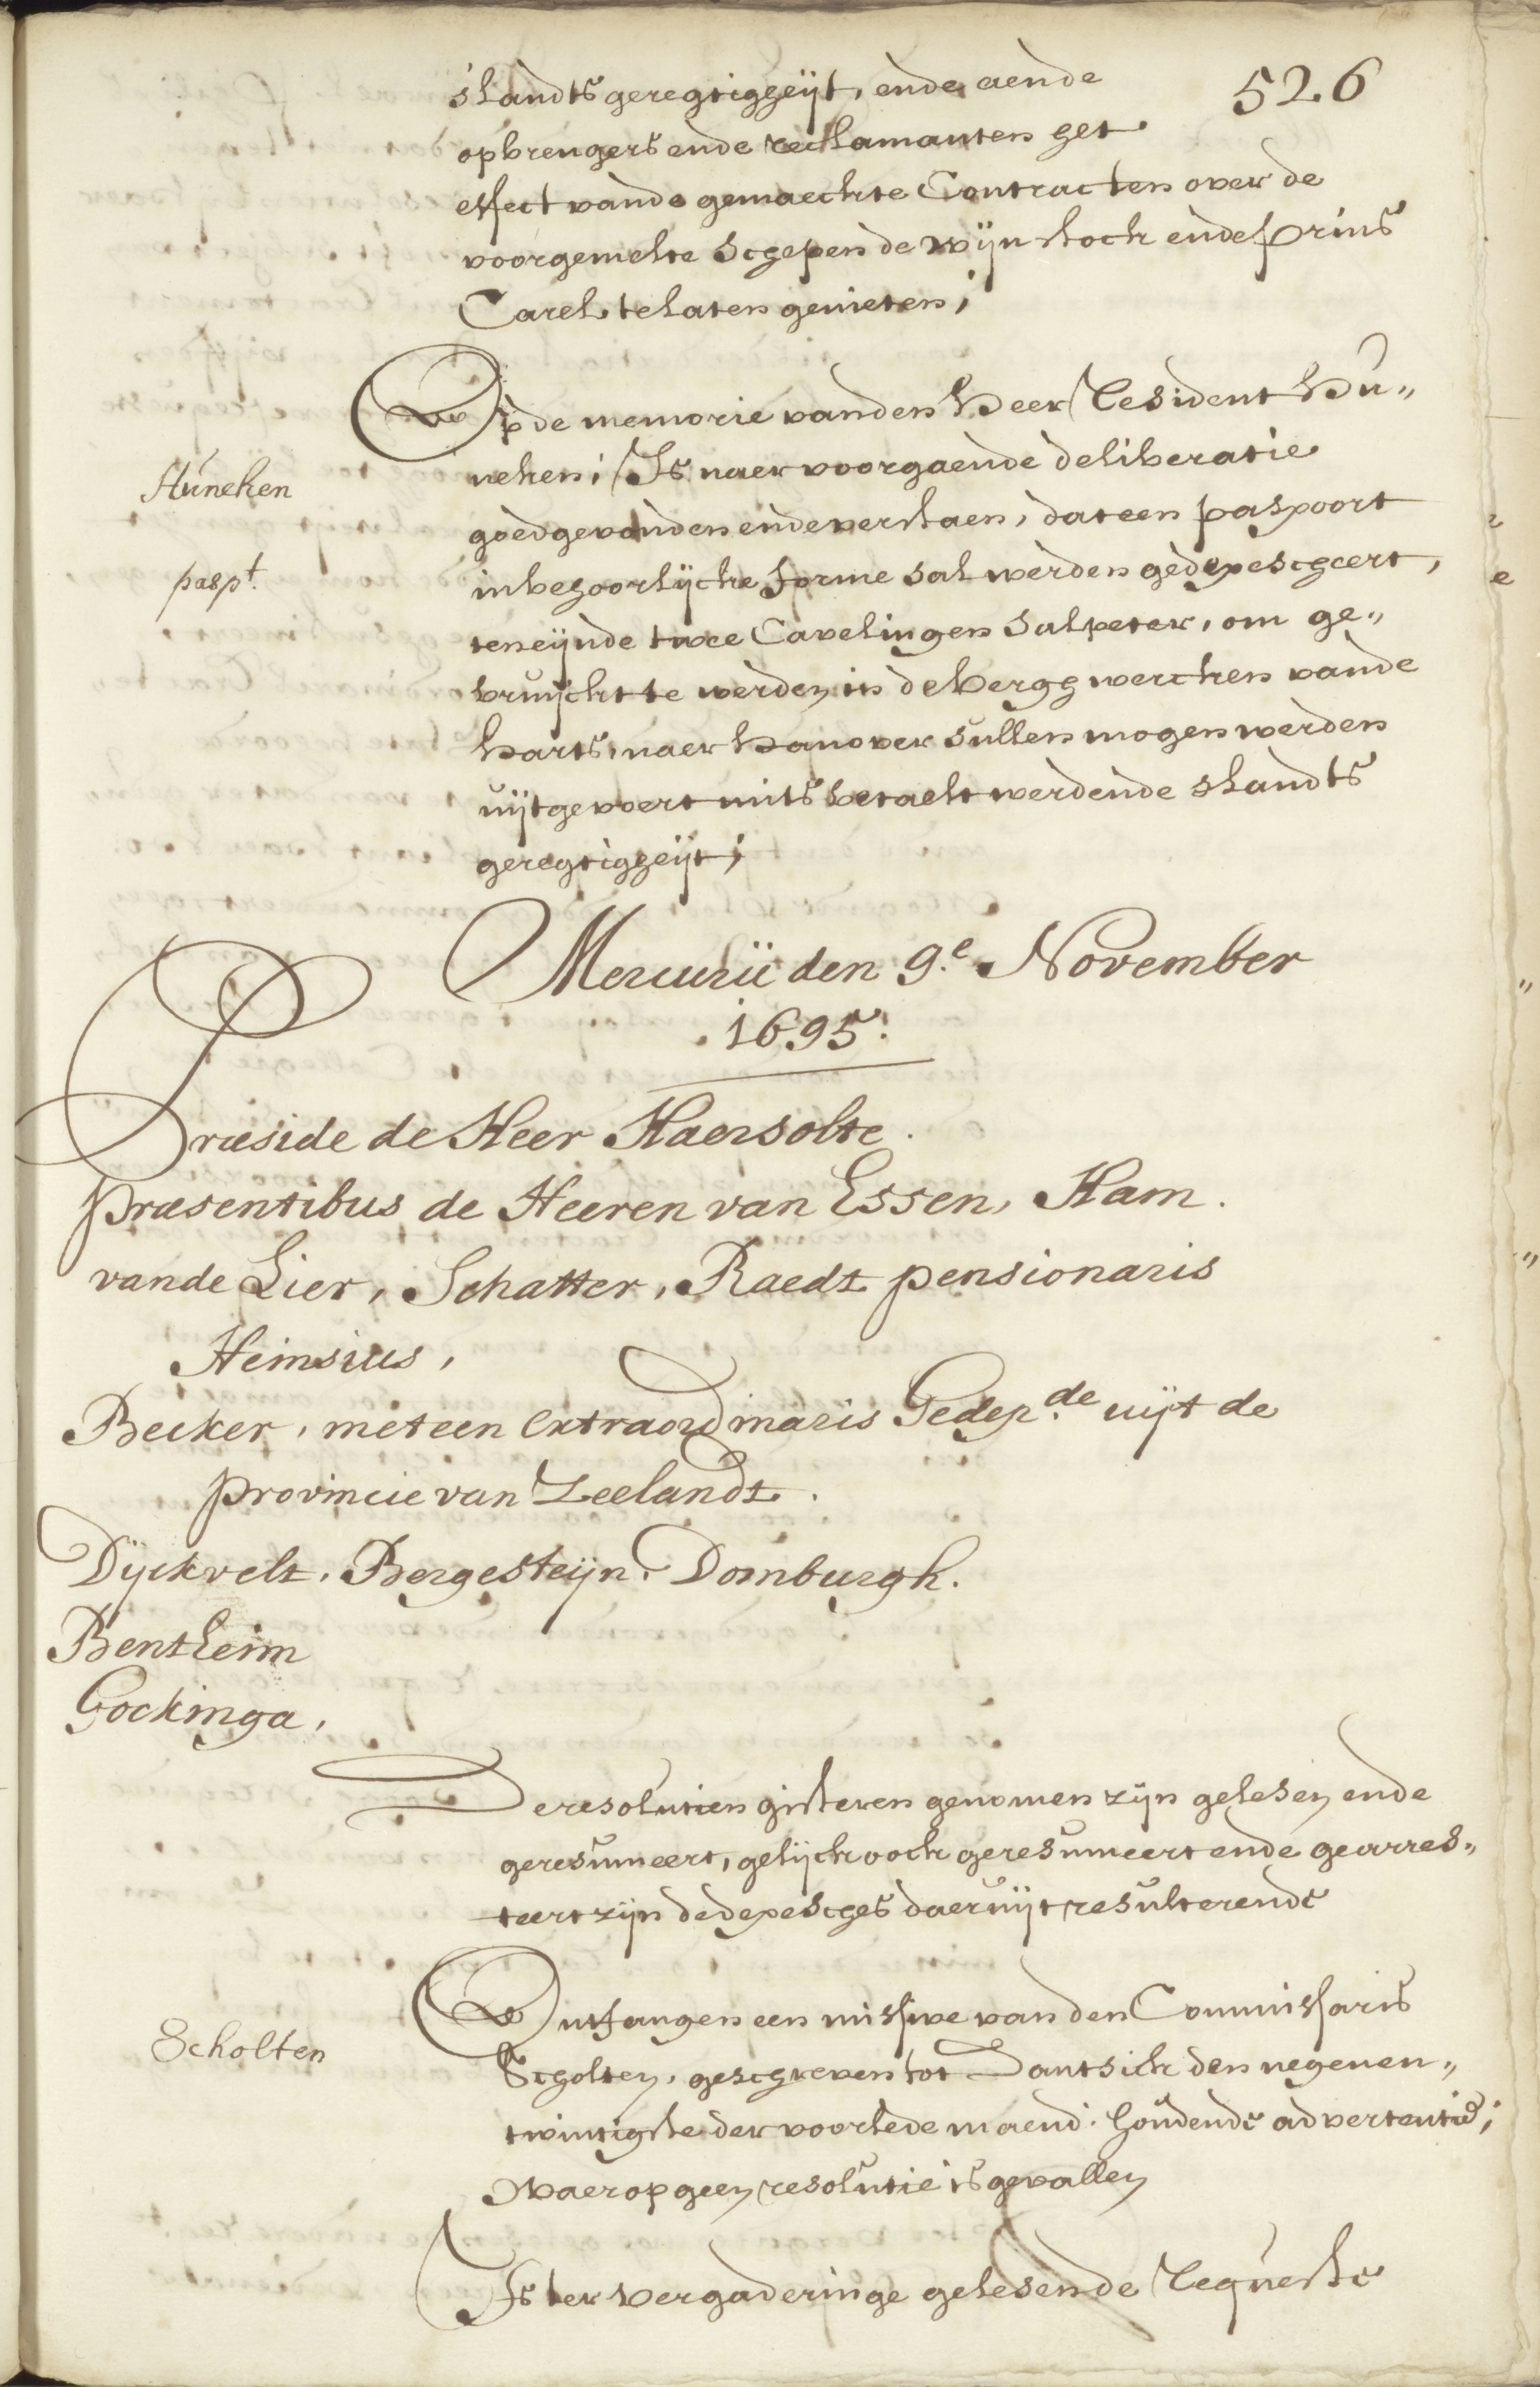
526
s'landts geregtigheijt, ende aende
opbrengers ende reclamanten het
effect vande gemaeckte Contracten over de
voorgemelte schepen de wijnstock ende Prins
Carel te laten genieten;
Huneken
paspt.
Opde memorie vanden Heer resident Hu„
neken: Is naer voorgaende deliberatie
goedgevanden ende verstaen, dat een paspoort
in behoorlijcke forme sal werden gedepescheert
teneijnde twee Cavelingen Salpeter, om ge„
bruijckt te werden in de bergh wercken vande
harts naer Hanover sullen mogen werden
uijtgevoert mits betaelt werdende slandts
geregtigheijt;
Mercurie den 9e. November
1695.
Præside de Heer Haersolte
Præsentibus de Heeren van Essen, Ham
vande Lier, Schatter, Raedt pensionaris
Heinsius.,
Becker, met een extraordinaris Gedepde. uijt de
Provincie van Zeelandt
Dijckvelt, Bergesteijn Domburgh.
Bentheim
Gockinga.
De resolutien gisteren genomen zijn gelesen ende
geresumeert, gelijck oock geresumeert ende gearres„
teert zijn de depesches daeruijt resulterende
Scholten
Ontfangen een missive van den Commissaris
Scholten, geschreven tot Dantsich den negenen„
twintigste der voorlede maend: houdende advertantie:
Waerop geen resolutie is gevallen
Is ter vergaderinge gelesende requeste
